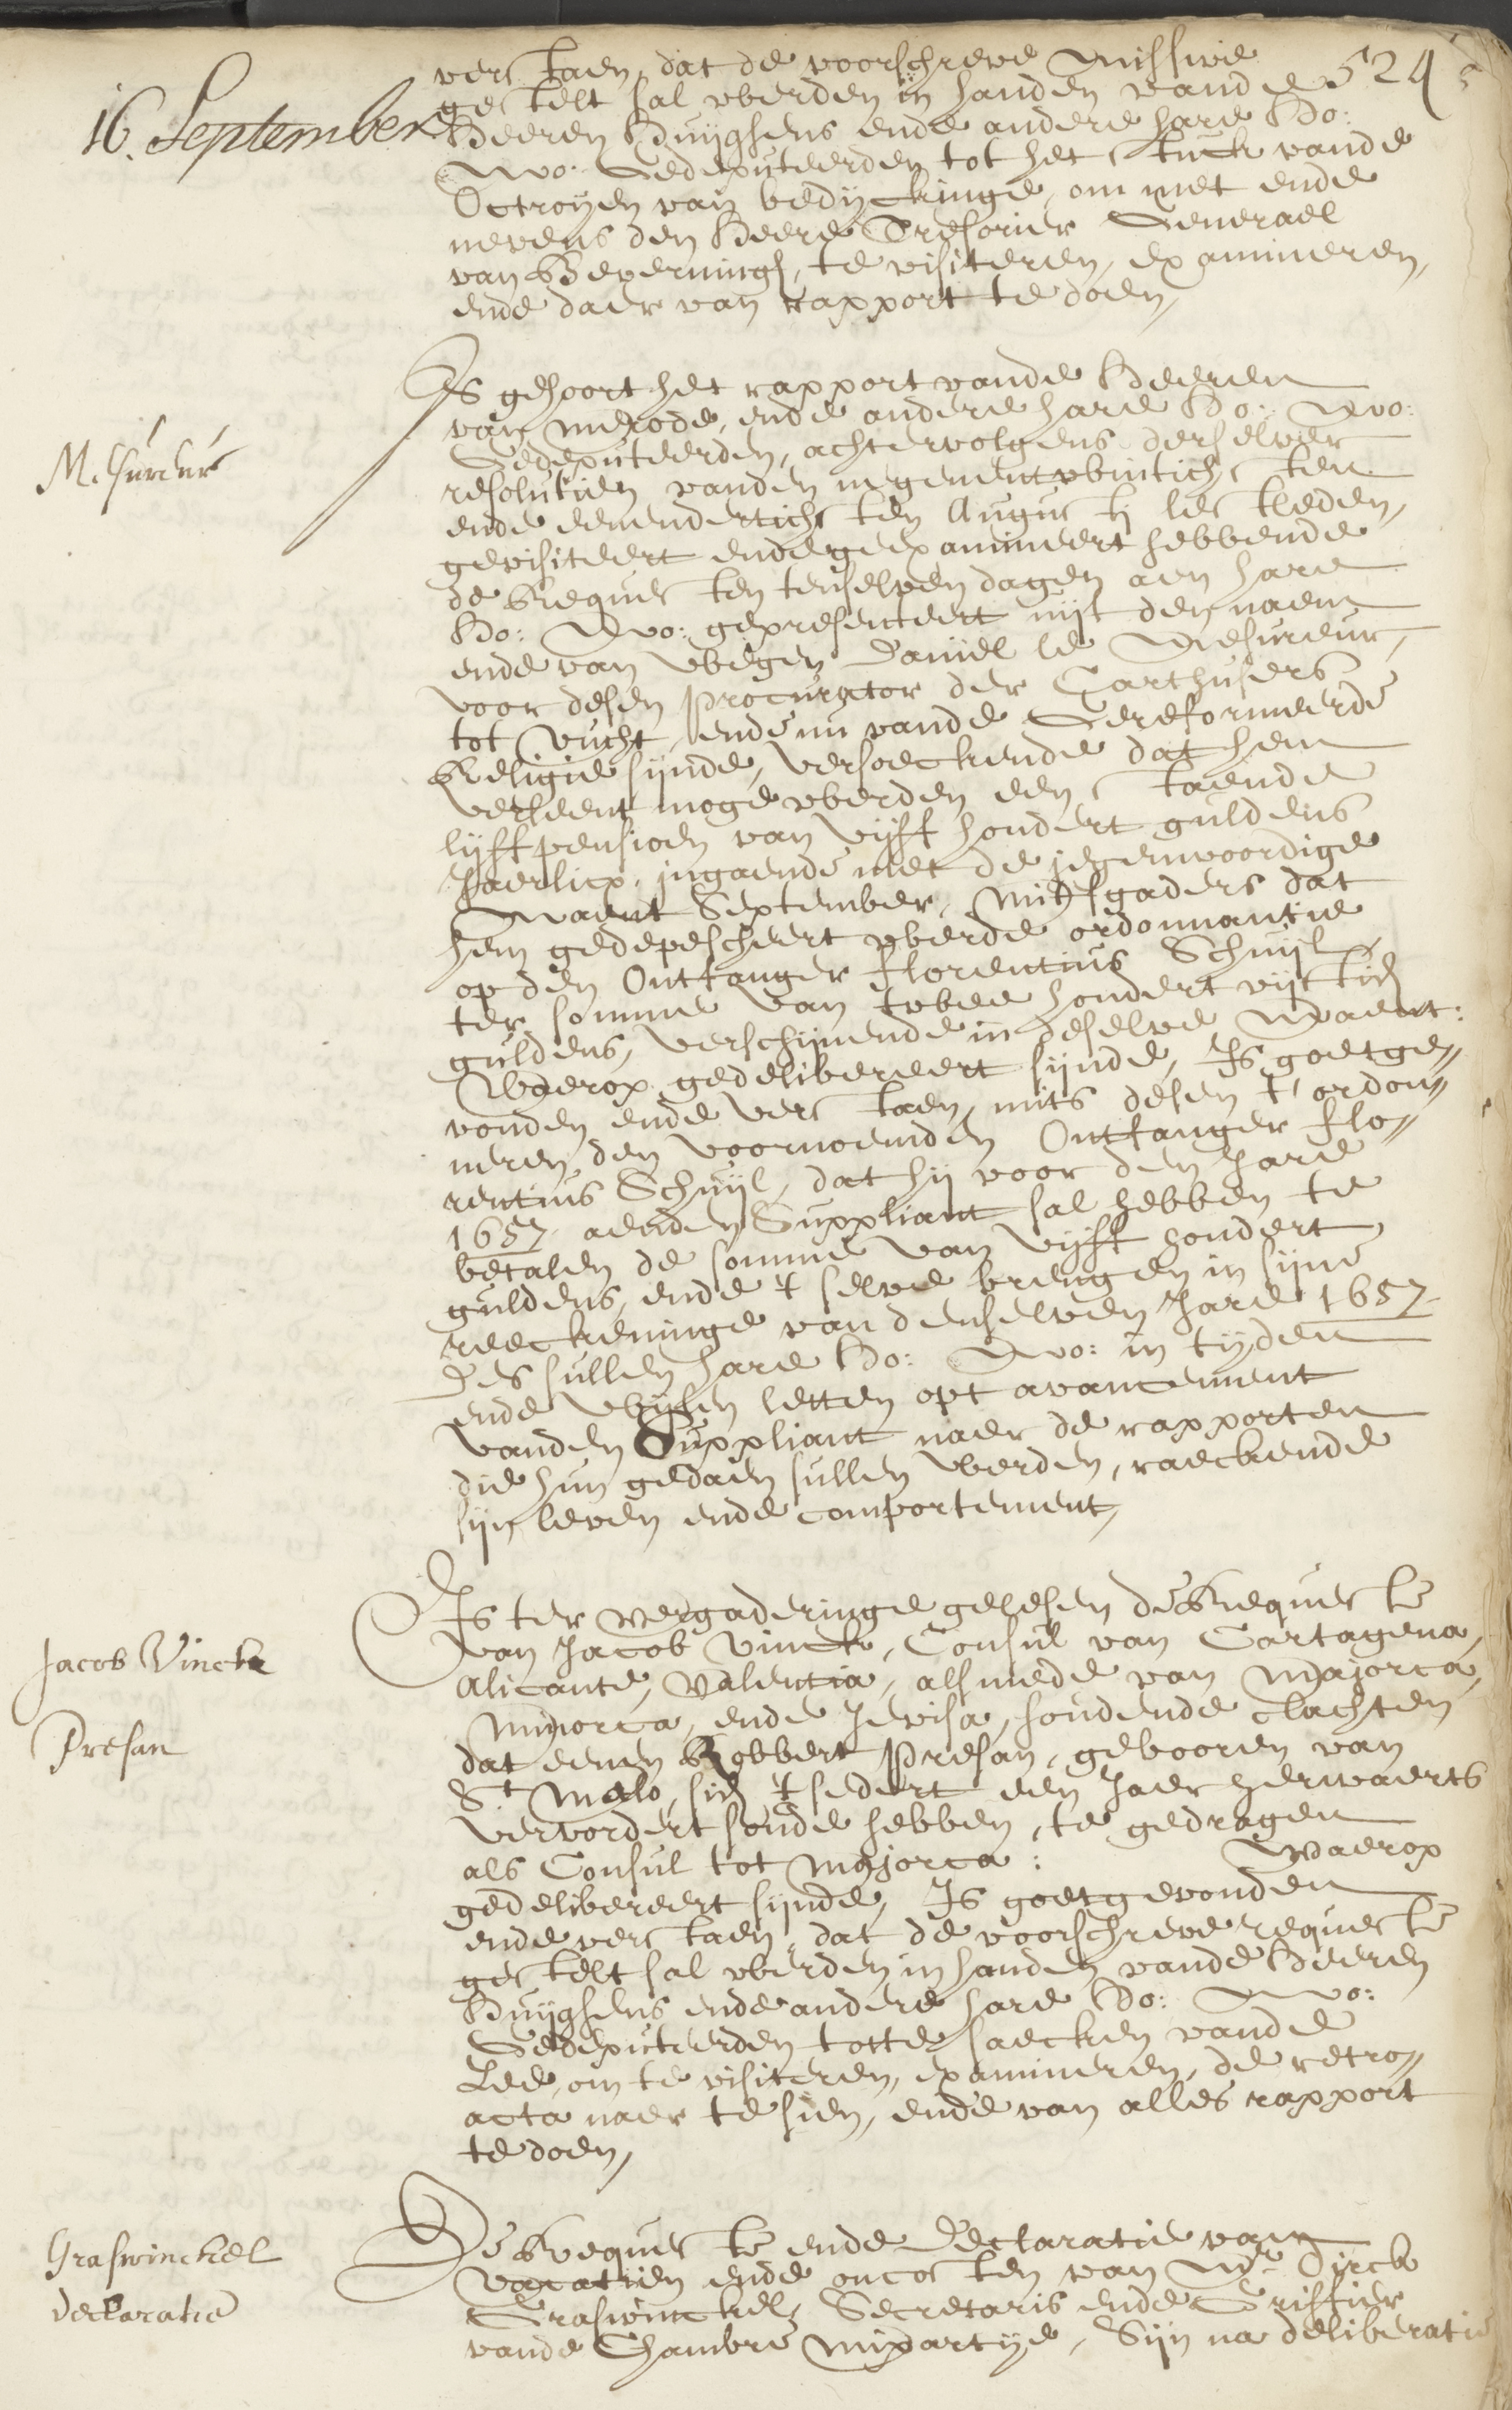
524
16.September
verstaen, dat de voorschreve missive
gestelt sal werden in handen vande
Heeren Huijghens ende andere hare Ho:
Mo: Gedeputeerden tot het stuck vande
Octroijen van bedijckinge, om met ende
nevens den Heere Tresorier Generael
van Beverningh, te visiteren, examineren,
ende daer van rapport te doen.
Mesureur
Is gehoort het rapport vande Heeren
van merode, ende andere hare Ho:Mo:
Gedeputeerden, achtervolgens derselver
resolutien vanden negenentwintichsten
ende eenendertichsten Augusti lestleden,
gevisiteert ende geexamineert hebbende
de Requesten tenselven dagen aen hare
Ho:Mo: gepresenteert uijt den naem
ende van wegen Daniel le Mesureur,
voor desen procurator der Carthusers
tot Vucht, ende nu vande Gereformeerde
Religie sijnde, versoeckende dat hem
verleent moge werden een staende
lijffpensioen van vijff hondert guldens
Jaerlicx, ingaende met de jegenwoordige
maent September, mitsgaders dat
hem gedepescheert werde ordonnantie
op den Ontfanger Florentius Schuijl,
ter somme van twee hondert vijftich
guldens, verschijnende in deselve maent:
Waerop gedelibereert sijnde, Is goetge,,
vonden ende verstaen, mits desen t'ordon,,
neren, den voornoemden Ontfanger Flo,,
rentius Schuijl, dat hij voor den Jare
1657 aenden Suppliant sal hebben te
betalen de somme van vijff hondert
guldens, ende 't selve brengen in sijne
reeckeninge van denselven Jare 1657.
Des sullen hare Ho:Mo: in tijden
ende wijlen letten opt avancement
vanden Suppliant naer de rapporten
die hun gedaen sullen werden, raeckende
sijn leven ende comportement.
Jacob Vinck
Presan
Is ter vergaderinge gelesen de Requeste
van Jacob Vinck, Consul van Cartagena,
alicante, Valentia, alsmede van Majorca,
Minorca, ende Ievisa, houdende clachten
dat eenen Robbert Presan, gebooren van
St. Malo sich 't sedert een Jaer herwaerts
vervordert soude hebben, te gedragen
als Consul tot Majorca: Waerop
gedelibereert sijnde, Is goetgevonden
ende verstaen, dat de voorschreve requeste
gestelt sal werden in handen vande Heeren
Huijghens ende andere hare Ho:Mo:
Gedeputeerden totte saecken vande
Zee, om te visiteren, examineren, de retro,,
acta naer te sien, ende van alles rapport
te doen.
Graswinckel
declaratie
De Requeste ende Declaratie van
vacatien ende oncosten van Mr. Dirck
Graswinckel Secretaris ende Griffier
vande Chambre mipartije, Sijn na deliberatie
